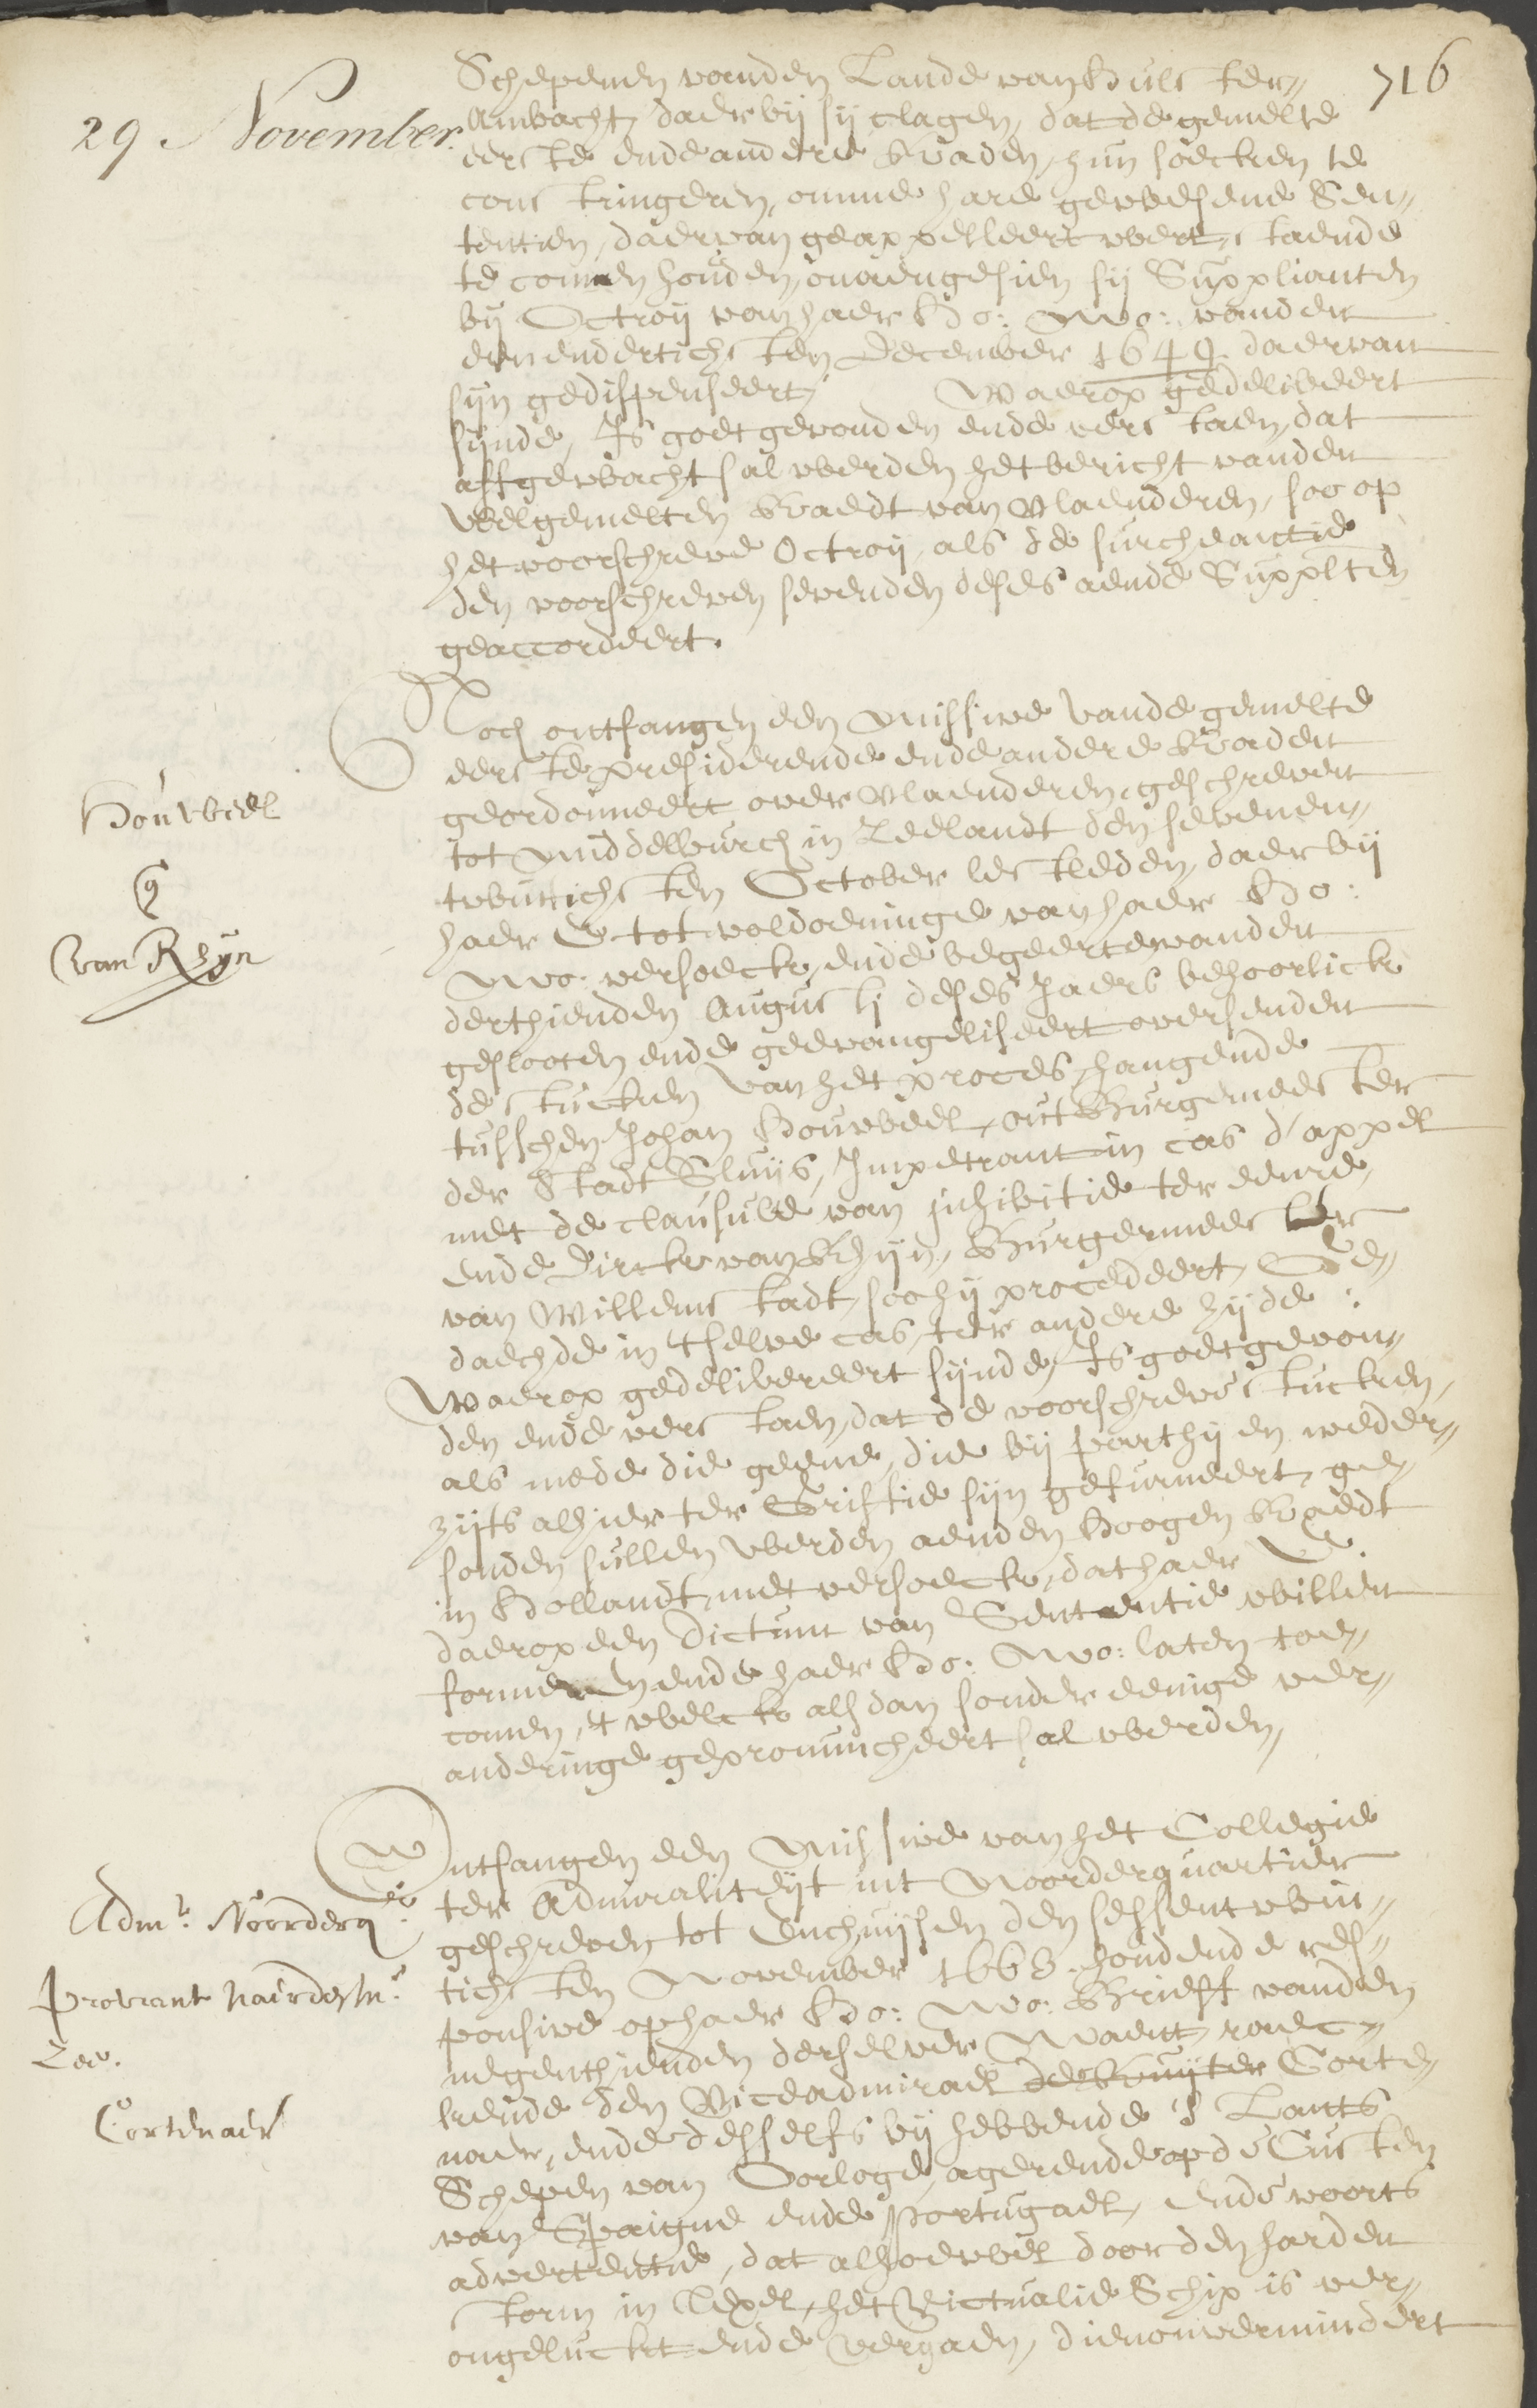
716
29. November.
Schepenen vanden Lande van Hulster„
ambacht, daerbij sij clagen, dat de gemelte
eerste ende andere Raden, hun soecken te
constringeren, omme hare gewesene Sen„
tentien, daervan geappelleert wert, staende
te connen houden, onaengesien sij Supplianten
bij Octroij van haer Ho:Mo: vanden
eenendertichsten December 1649 daervan
sijn gedispenseert; Waerop gedelibeert
sijnde, Is goetgevonden ende verstaen, dat
affgewacht sal werden het bericht vanden
welgemelten Raedt van Vlaenderen, soo op
het voorschreve Octroij, als de surcheantie
den voorschreven sevenden deses aende Supplten.
geaccordeert.
Houweel
ca
van Reijn
Noch ontfangen een missive vande gemelte
eerste presiderende ende andere Raden
geordonneert over Vlaenderen, geschreven
tot Middelburch in Zeelandt den sevenen„
twinttichsten October lestleden, daerbij
haer E. totvoldoeninge van haer Ho:
Mo: versoeck, ende begeerte vanden
derthienden Augusti deses Jaers behoorlick
geslooten ende geevangeliseert oversenden
de stucken van het proces, hangende
tusschen Johan Houweel, out Burgemeester
der stadt Sluijs, Impetrant in cas d'appel
met de clausule van inhibitie ter eenre
ende Dirck van Rhijn, Burgermeester
van Willemstadt, soo hij procedeert. Ge„
daechde in 'tselve cas, ter andere zijde:
Waerop gedelibereert sijnde, Is goetgevon„
den ende verstaen, dat de voorschreve stucken,
als mede die geene, die bij parthij en weder„
zijts alhier ter Griffie sijn gefurneert, ge„
sonden sullen werden aenden Hoogen Raedt
in Hollandt met versoeck, dat haer E.
daerop een dictum van Sententie willen
formeren ende haer Ho:Mo: laten toe„
comen, 't welck alsdan sonder eenige ver„
anderinge gepronuncheert sal werden.
Admt. Noorderqr.
Proviant naer den me.
Zee.
Cortenaer
Ontfangen een missive van het Collegie
ter Admiraliteijt int Noorderquartier
geschreven tot Enchuijsen den sessentwin„
tichsten November 1663 houdende res„
ponsive op haer Ho:Mo: Brieff vanden
negenthienden derselver maent, raec„
kende den Viceadmirael de Ruijter Corte,,
naer, ende desselfs bij hebbende ‛s Lants
Schepen van Oorloge, agerende opde Custen
van Spaigne ende Portugael, ende voorts
advertentie, dat alhoewel door den harden
storm in Texel, het Victualie Schip is ver„
ongeluckt ende vergaen, dienonvermindert
